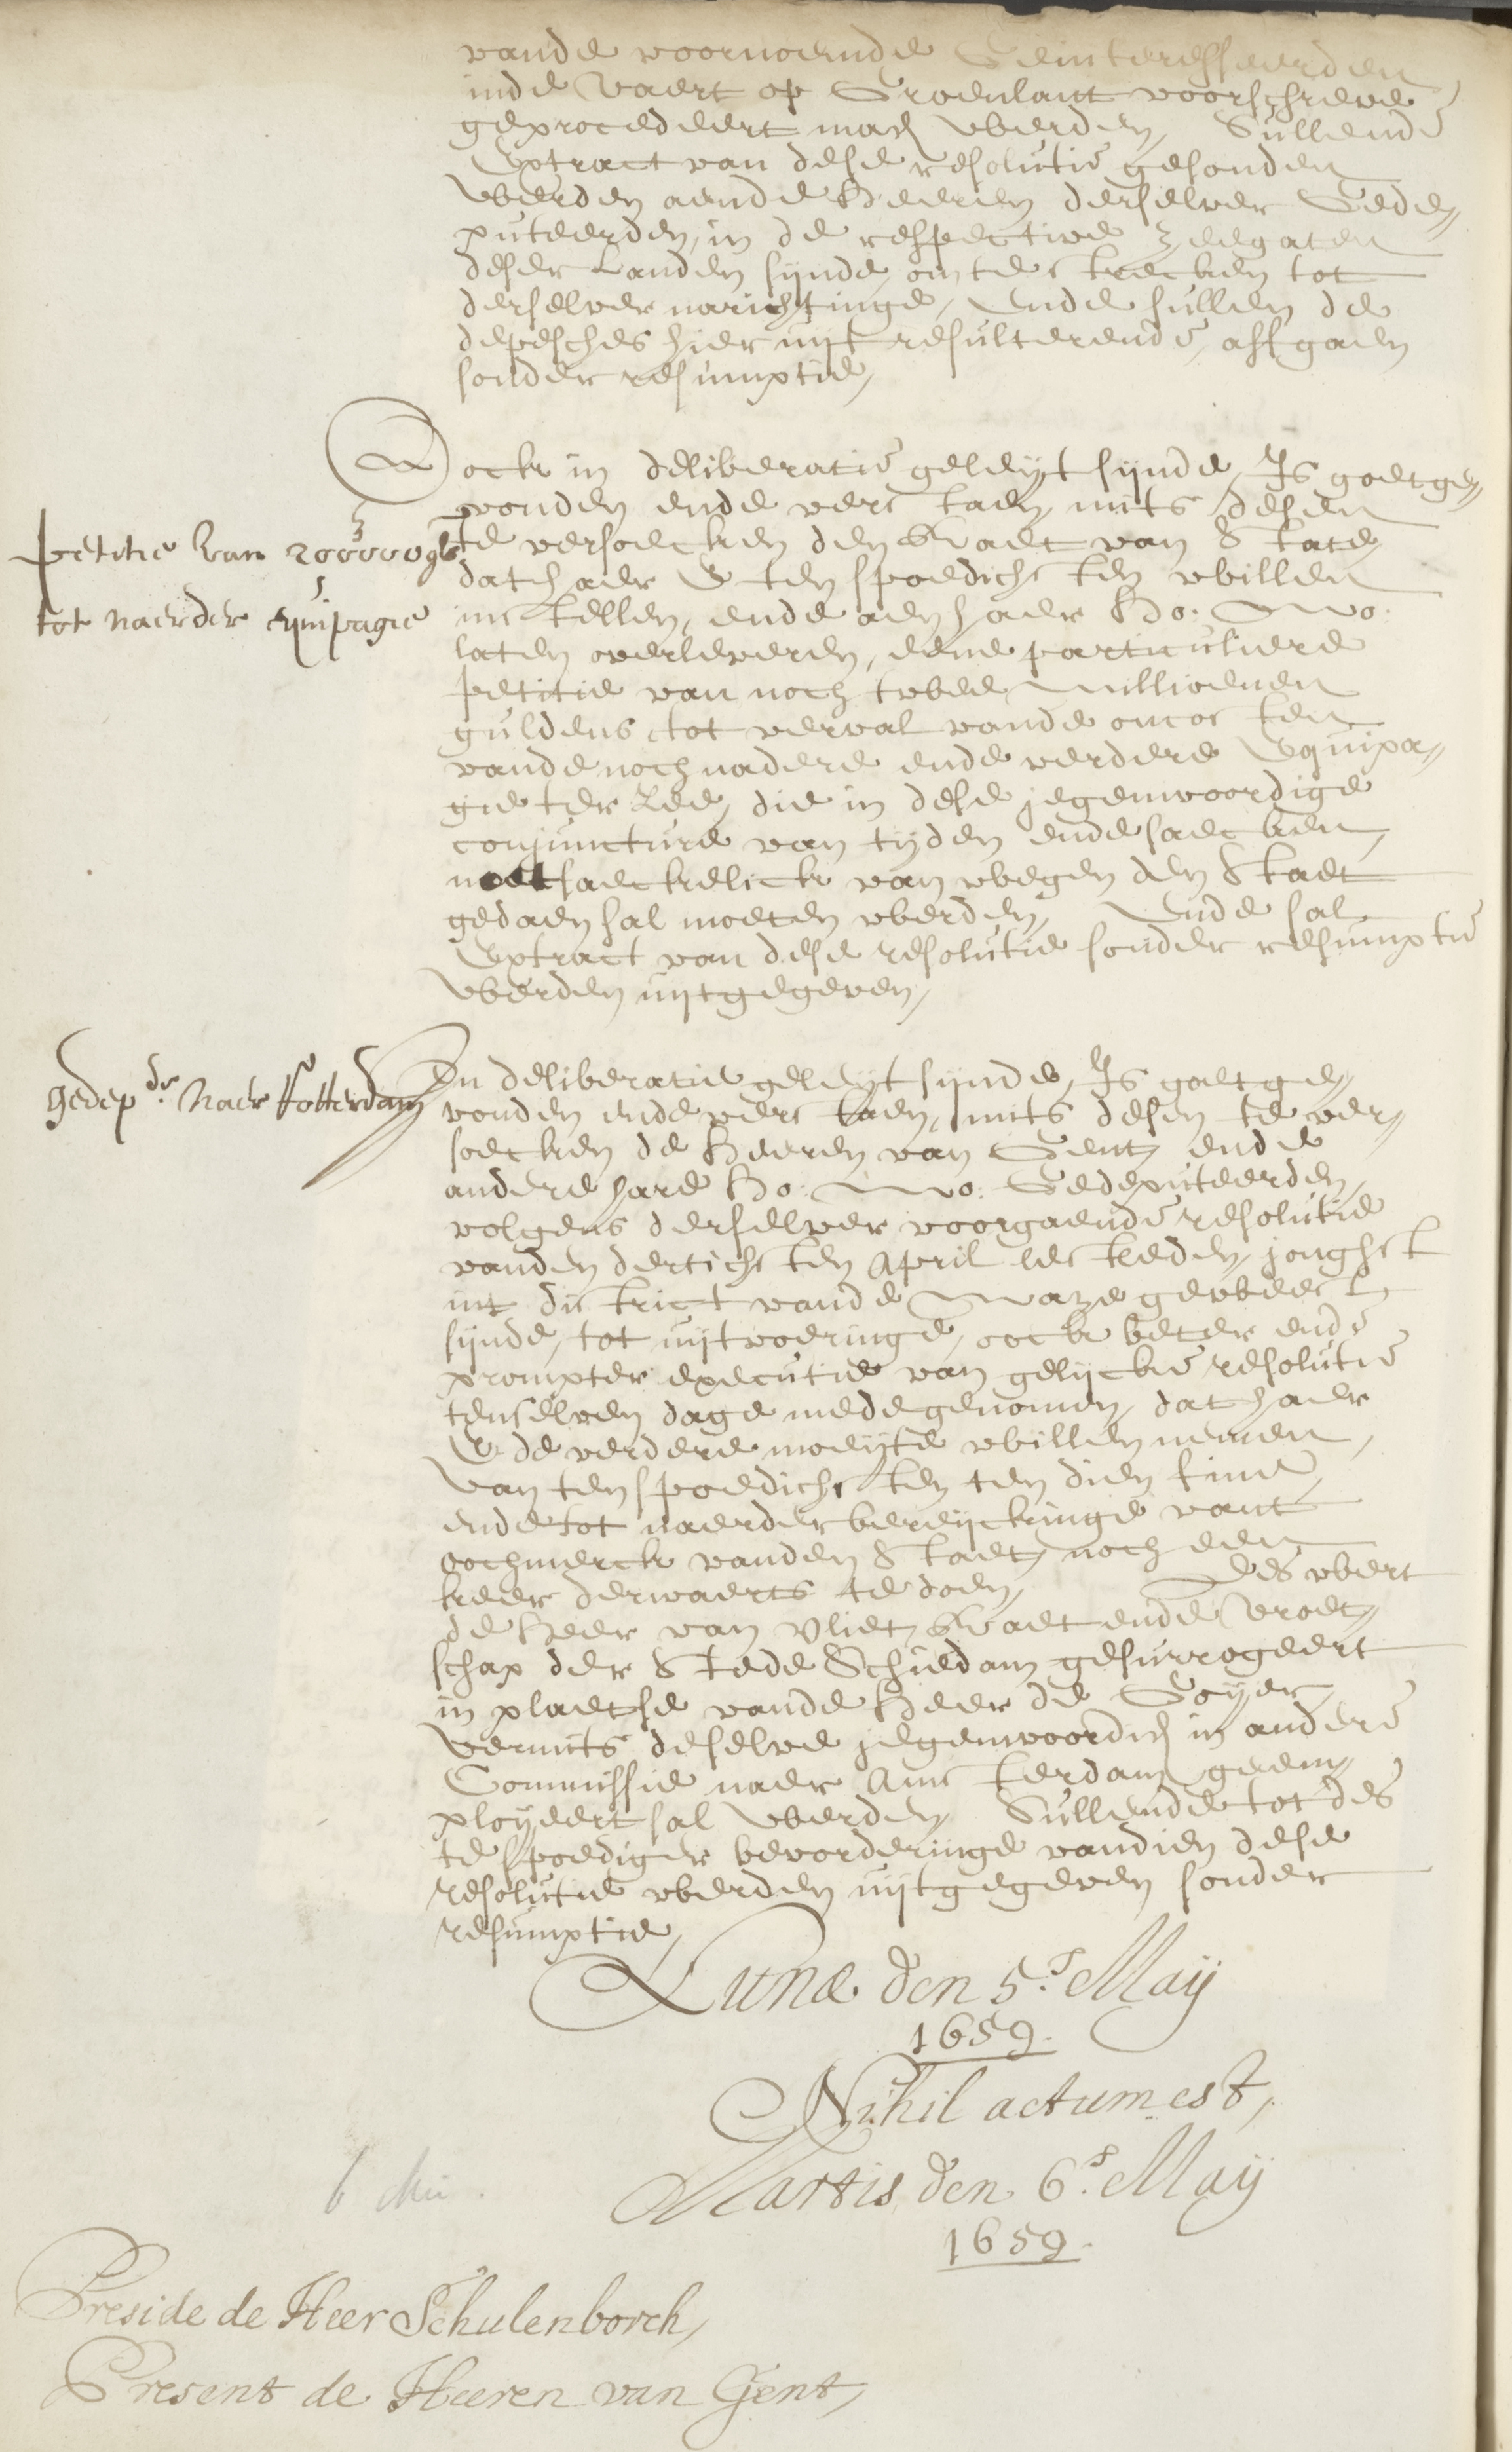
vande voornoemde Geinteresseerden
inde vaert op Groenlant voorschreve
geprocedeert mach werden. Sullende
Extract van dese resolutie gesonden
werden aende Heeren derselver Gede,,
puteerden, in de respective zeegaten
deser Landen sijnde, om te strecken tot
derselver narichtinge. Ende sullen de
depesches hier uijt resulterende, affgaen
sonder resumptie.
Petitie van 200000 gls
tot naerder equipagie
Oock in deliberatie geleijt sijnde, Is goetge,,
vonden ende verstaen, mits desen
te versoecken den Raet van State
dat haer E. ten spoedichsten willen
instellen, ende aen haer Ho:Mo:
laten overleveren, eene particuliere
petitie van noch twee millioenen
guldens, tot verval vande oncosten
vande noch nadere ende verdere Equipa,,
gie ter zee, die in dese jegenwoordige
conjuncture van tijden ende saecken,
nootsaeckelick van wegen den Staet
gedaen sal moeten werden. Ende sal
Extract van dese resolutie sonder resumptie
werden uijtgegeven.
gedepden. naer Rotterdam
In deliberatie geleijt sijnde, Is goetge,,
vonden ende verstaen, mits desen te ver,,
soecken de Heeren van Gent ende
andere hare Ho:Mo: Gedeputeerden
volgens derselver voorgaende resolutie
vanden dertichsten april lestleden, jonghst
int district vande Maze geweest
sijnde, tot uijtvoeringe, oock beter ende
prompter executie van gelijcke resolutie
tenselven dage mede genomen, dat haer
E. de verdere moeijte willen nemen,
van ten spoedichsten ten dien fine,
ende tot naerder bereijckinge vant
oochmerck vanden Staet, noch een
keer derwaerts te doen. Des wert
de Heer van Vliet, Raet ende vroet,,
schap der stede Schiedam gesurrogeert
in plaetse vande Heer de Goijer,
vermits deselve jegenwoordich in andere
Commissie naer Amsterdam geem,,
ploijeert sal werden. Sullende tot des
te spoediger bevorderinge vandien dese
resolutie werden uijtgegeven sonder
resumptie.
Lunæ den 5e. Maij
1659.
Nihil actum est.
Martis den 6e Maij
1659.
Preside de Heer Schulenborch,
Present de Heeren van Gent,
